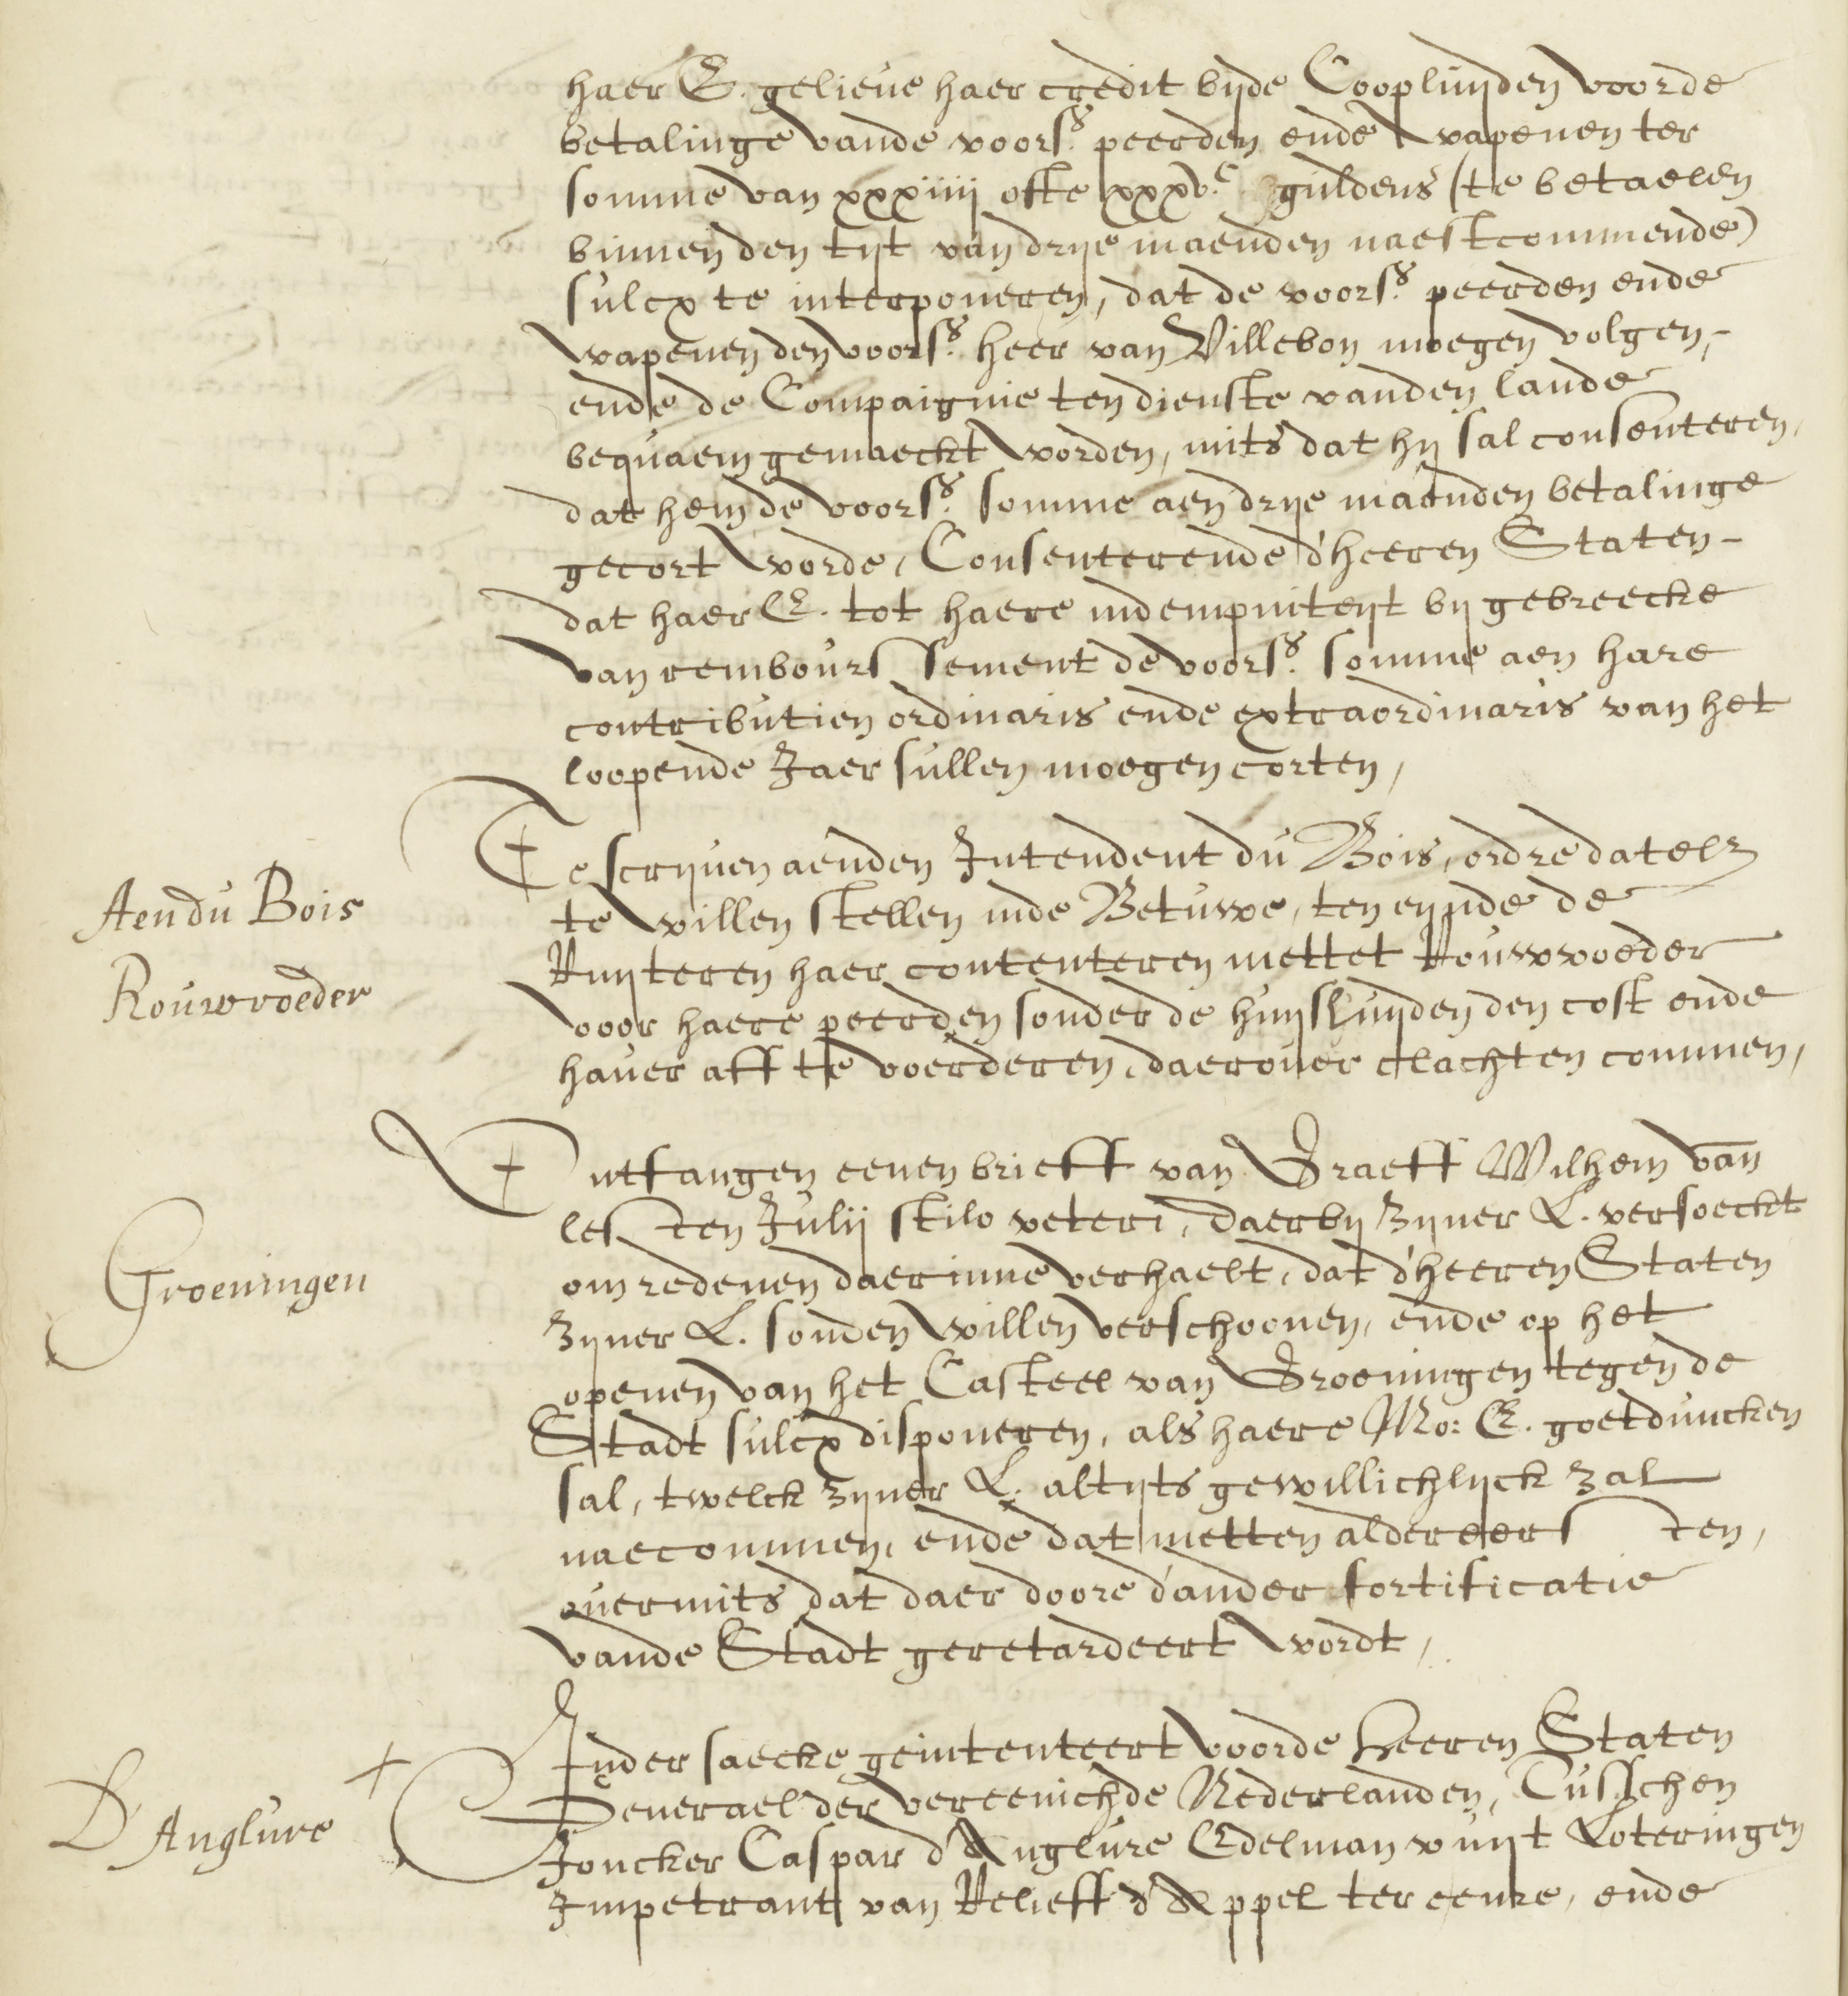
haer E. gelieve haer credit bijde Coopluyden voor de
betalinge vande voors. peerden ende wapenen ter
somme van xxxiiij ofte xxxvc. guldens (te betaelen
binnen den tyt van drye maenden naestcommende)
sulcx te interponeren, dat de voors. peerden ende
wapenen den voors. heer van Villebon moegen volgen,
ende de Compaignie ten dienste vanden lande
bequaem gemaeckt worden, mits dat hy sal consenteren
dat hem de voors. somme aen drye maenden betalinge
gecort worde, Consenterende d'heeren Staten
dat haer E. tot haere indempniteyt bij gebreecke
van rembourssement de voors. somme aen hare
contributien ordinaris ende extraordinaris van het
loopende jaer sullen moogen corten.
Aen du Bois
Rouwvoeder
Te scryuen aenden Intendent du Bois, ordre datel
te willen stellen inde Betuwe, ten eynde de
Ruyteren haer contenteren mettet Rouwvoeder
voor haere peerden sonder de huysluyden den cost ende
hauer aff te voerderen, daerouer clachten commen.
Groeningen
Ontfangen eenen brieff van Graeff Wilhem van
lesten Julij stilo veteri, daerby zijner L. versoeckt
om redenen daerinne verhaelt, dat d'heeren Staten
zijner L. souden willen verschoonen, ende op het
openen van het Casteel van Groeningen tegen de
Stadt sulcx disponeren, als haere Mo:E. goetduncken
sal, twelck zijner L. altyts gewillichlyck zal
naecommen, ende dat metten aldereersten,
ouermits dat daer doore d'ander fortificatie
vande Stadt geretardeert wordt.
D'Anglure
Inder saecke geintenteert voorde heeren Staten
Generael der Vereenichde Nederlanden, Tusschen
Joncker Caspar d'Anglure Edelman vuyt Loteringen
Impetrant van Relieff d'Appel ter eenre, ende
